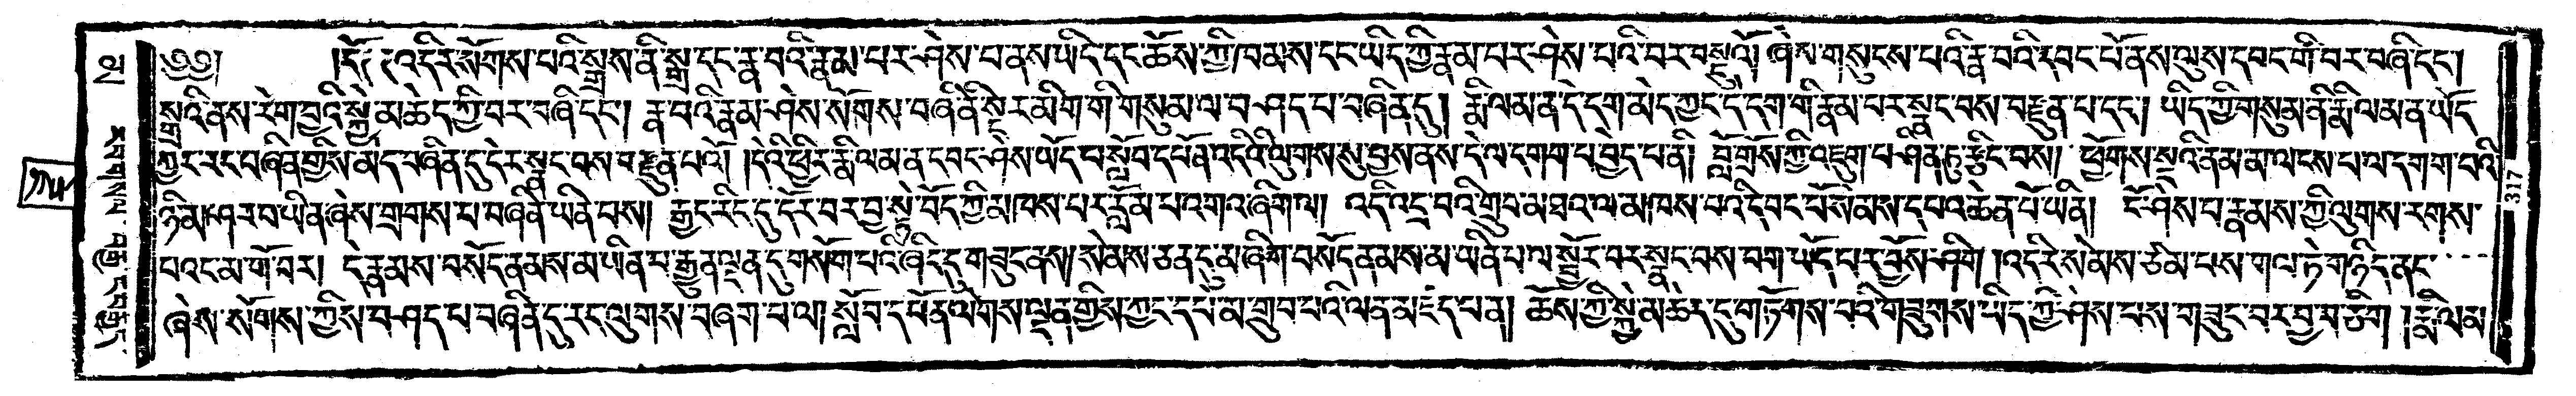༄༅། །དོ༑ ༑འདིར་སོགས་པའི་སྒྲས་ནི་སྒྲ་དང་རྣ་བའི་རྣམ་པར་ཤེས་པ་ནས་ཡིད་དང་ཆོས་ཀྱི་ཁམས་དང་ཡིད་ཀྱི་རྣམ་པར་ཤེས་པའི་བར་བསྡུའོ། ཞེས་གསུངས་པའི་རྣ་བའི་དབང་པོ་ནས་ལུས་དབང་གི་བར་བཞི་དང་།
སྒྲའི་ནས་རེག་བྱའི་སྐྱེ་མཆེད་ཀྱི་བར་བཞི་དང་། རྣ་བའི་རྣམ་ཤེས་སོགས་བཞི་ནི་སྔར་མིག་གི་གསུམ་ལ་བཤད་པ་བཞིན་དུ། རྨི་ལམ་ན་དེ་དག་མེད་ཀྱང་དེ་དག་གི་རྣམ་པར་སྣང་བས་བརྫུན་པ་དང་། ཡིད་ཀྱི་གསུམ་ནི་རྨི་ལམ་ན་ཡོད་
ཀྱང་རང་བཞིན་གྱིས་མེད་བཞིན་དུ་དེར་སྣང་བས་བརྫུན་པའོ། །དེའི་ཕྱིར་རྨི་ལམ་ན་དབང་ཤེས་ཡོད་པ་སློབ་དཔོན་འདིའི་ལུགས་སུ་བྱས་ནས་དེ་ལ་དགག་པ་བྱེད་པ་ནི། བློ་གྲོས་ཀྱི་འཇུག་པ་ཤིན་ཏུ་རྩིང་བས། ཕྱོགས་སྔའི་ནམ་མ་ལངས་པ་ལ་དགག་པའི་
ཉི་མ་ཤར་བ་ཡིན་ཞེས་གྲགས་པ་བཞིན་ཡིན་པས། རྒྱང་རིང་དུ་དོར་བར་བྱ་སྟེ་བོད་ཀྱི་མཁས་པར་རློམ་པ་འགའ་ཞིག་ལ། འདི་འདྲ་བའི་གྲུབ་མཐའ་ལ་མཁས་པའི་དབང་པོ་སེམས་དཔའ་ཆེན་པོ་ཡིན། ངོ་ཤེས་པ་རྣམས་ཀྱི་ལུགས་རགས་
པའང་མ་གོ་བར། དེ་རྣམས་བསོད་ནམས་མ་ཡིན་པ་རྒྱུན་ལྡན་དུ་གསོག་པའི་ཞིང་དུ་གཟུང་ནས། སེམས་ཅན་དུ་མ་ཞིག་བསོད་ནམས་མ་ཡིན་པ་ལ་སྦྱོར་བར་སྣང་བས་བག་ཡོད་པར་བྱོས་ཤིག །འདིར་སེམས་ཙམ་པས་གལ་ཏེ་གཉིད་ནང་
ཞེས་སོགས་ཀྱིས་བཤད་པ་བཞིན་དུ་རང་ལུགས་བཞག་པ་ལ། སློབ་དཔོན་ལེགས་ལྡན་གྱིས་ཀྱང་དཔེ་མ་གྲུབ་པའི་ལན་མཛད་པ་ན། ཆོས་ཀྱི་སྐྱེ་མཆེད་དུ་གཏོགས་པའི་གཟུགས་ཡིད་ཀྱི་ཤེས་པས་གཟུང་བར་བྱ་བ་ཅིག །རྨི་ལམ་